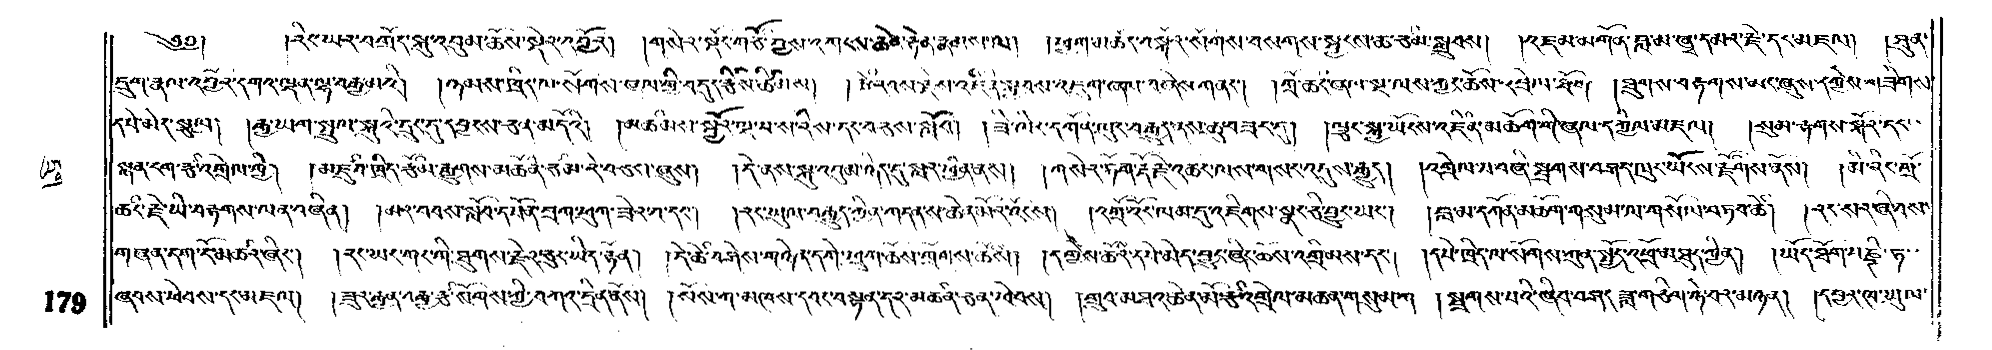༄༅། །རིང་ཡར་བགྲོད་སྐུ་འབུམ་ཆོས་སྡེར་འབྱོར། །གསེར་སྡོང་གཙོ་བྱས་འགངས་ཆེན་རྟེན་རྣམས་ལ། །ཕྱག་མཆོད་བསྐོར་སོགས་བསགས་སྦྱངས་ཆ་ཙམ་སྒྲུབས། །འཇམ་མགོན་བླ་མ་ཞྭ་དམར་རྗེ་དང་མཇལ། །ཐུན་
དྲུག་རྣལ་འབྱོར་དགའ་ལྡན་ལྷ་བརྒྱ་མའི། །ཉམས་ཁྲིད་ལ་སོགས་ཞལ་གྱི་བདུད་རྩིས་ཚིམས། །ཚེ་རབས་རྗེས་འཛིན་སྐྱབས་འཇུག་ཞལ་བཞེས་གནང་། །གྲོ་ཚང་ཞལ་སྔ་ལས་ཀྱང་ཆོས་འབྲེལ་ཐོབ། །ཐུགས་བརྟགས་མང་ཞུས་དགྱེས་གཟིགས་
དཔེ་མེད་སྩལ། །རྒྱ་ཡག་སྤྲུལ་སྐུའི་དྲུང་དུ་དབྱངས་ཅན་མདོའི། །མཆིམས་སྦྱོར་ལྔ་པ་ས་རིས་དང་བཅས་སློབ། །ཟི་ལིང་དགོན་ལུང་བརྒྱུད་ནས་ཆུ་བཟང་དུ། །ལྕང་སྐྱ་ཡོངས་འཛིན་མཆོག་གི་ཞལ་དཀྱིལ་མཇལ། །སུམ་རྟགས་སྐོར་དང་
སྙན་ངག་རྩི་འགྲེལ་གྱི། །མཛུབ་ཁྲིད་རྩོམ་རྒྱུགས་མཚོན་ཙམ་རེ་བཅས་ཞུས། །དེ་ནས་སྐུ་འབུམ་ཉིད་དུ་སླར་ཕྱིན་ནས། །གསེར་ཏོག་རྡོ་རྗེ་འཆང་ལས་གསང་འདུས་རྒྱུད། །འགྲེལ་པ་བཞི་སྦྲགས་བཤད་ལུང་ཡོངས་རྫོགས་ནོས། །མི་རིང་གྲོ་
ཚང་རྗེ་ཡི་བརྟགས་ལན་བཞིན། །མར་བབས་སློབ་དཔོན་བྲག་ཕུག་ཟེར་བ་དང་། །རང་ཡུལ་བརྒྱུད་ཀྱིན་གདན་ས་ཆེན་མོར་འོངས། །འགྲོ་འོང་ལམ་དུ་འཇིགས་སྣང་ཅི་བྱུང་ཡང་། །བླ་མ་དཀོན་མཆོག་གསུམ་ལ་གསོལ་བཏབ་ཚེ། །རང་སར་ཞི་བས་
གཞན་དག་ངོ་མཚར་ཞིང་། །རང་ཡང་གང་གི་ཐུགས་རྗེར་ཅུང་ཡིད་རྟོན། །དེ་ཚེ་བཤེས་གཉེན་དགེ་ཕྲུག་ཆོས་གྲོགས་ཚོས། །དགྱེས་ཚོར་དཔེ་མེད་བྱུང་ཞིང་ཆོས་འགྲིམས་དང་། །དཔེ་ཁྲིད་ལ་སོགས་ཀུན་སྤྱོད་འཕྲོ་མཐུད་ཀྱིན། །ཡོད་ཐོག་པཎྜི་ཏ་
ཞབས་ཕེབས་དང་མཇལ། །ཟུར་རྒྱན་བརྒྱ་རྩ་སོགས་ཀྱི་བཀའ་དྲིན་ནོས། །སོས་ཀ་མཁས་དབང་བསྟན་དར་མཚན་ཅན་ཕེབས། །གྲུབ་མཐའ་ཆེན་མོ་རྩ་འགྲེལ་མཆན་གསུམ་ཀ །སྦྲགས་པའི་ཞིབ་བཤད་ཟླ་གཅིག་ཉེ་བར་མཉན། །དབྱར་ཁ་ཡུལ་